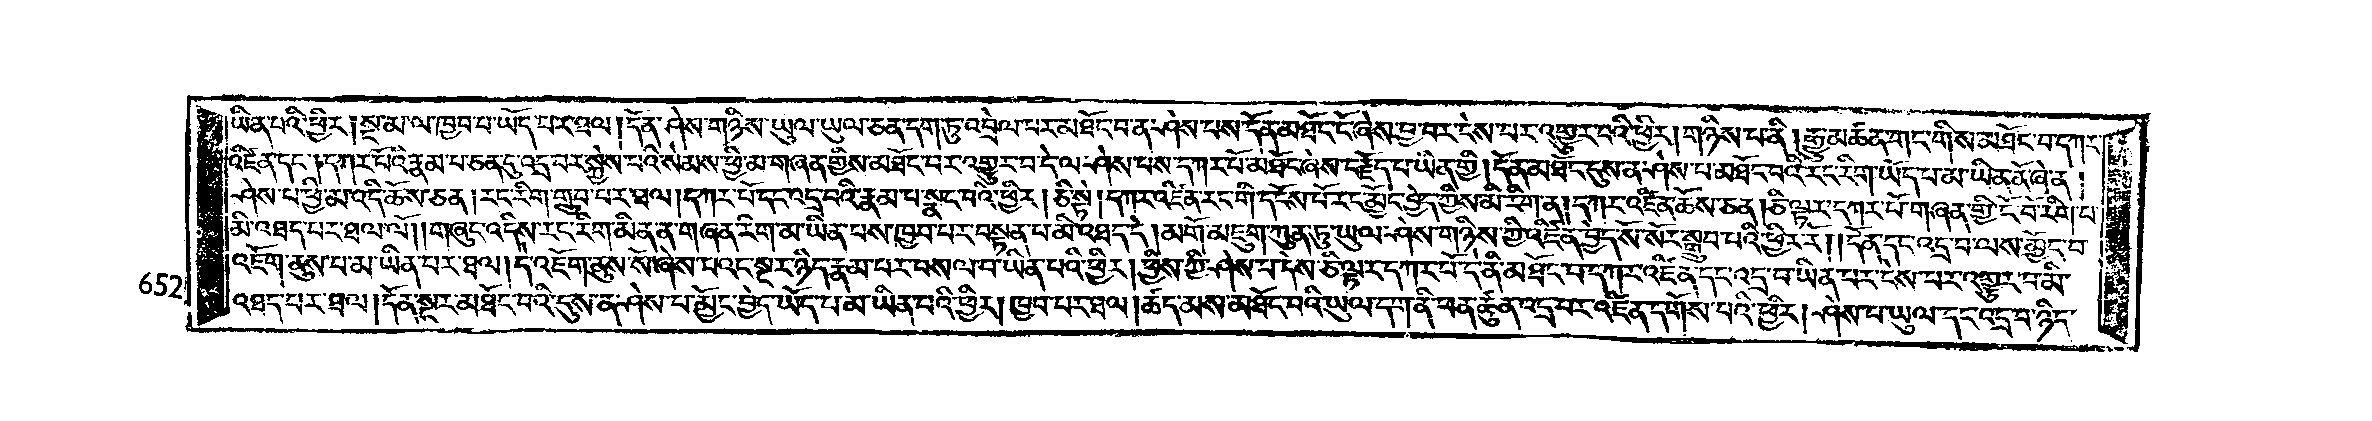ཡིན་པའི་ཕྱིར། སྔ་མ་ལ་ཁྱབ་པ་ཡོད་པར་ཐལ། དོན་ཤེས་གཉིས་ཡུལ་ཡུལ་ཅན་དག་ཏུ་འབྲེལ་པར་མཐོང་བ་ན་ཤེས་པས་དོན་མཐོང་ངོ་ཞེས་བྱ་བར་ངེས་པར་འགྱུར་བའི་ཕྱིར། གཉིས་པ་ནི། རྒྱུ་མཚན་གང་གིས་མཐོང་བ་དཀར་
འཛིན་དང་། དཀར་པོའི་རྣམ་པ་ཅན་དུ་འདྲ་བ་བསྐྱེས་པའི་སེམས་ཕྱི་མ་གཞན་གྱིས་མཐོང་བར་འགྱུར་བ་དེ་ལ་ཤེས་པས་དཀར་པོ་མཐོང་ཞེས་བརྗོད་པ་ཡིན་གྱི། དོན་མཐོང་དུས་ན་ཤེས་པ་མཐོང་བའི་རང་རིག་ཡོད་པ་མ་ཡིན་ནོ་ཞེ་ན།
ཤེས་པ་ཕྱི་མ་འདི་ཆོས་ཅན། རང་རིག་གྲུབ་པར་ཐལ། དཀར་པོ་དང་འདྲ་བའི་རྣམ་པ་སྣང་བའི་ཕྱིར། ཅི་སྟེ། དཀར་འཛིན་རང་རིག་དངོས་པོ་རང་མྱོང་བྱེད་ཀྱིས་མི་རིག་ན། དཀར་འཛིན་ཆོས་ཅན། ཅི་ལྟར་དཀར་པོ་གཞན་གྱི་ངོ་བོ་རིག་པ་
མི་འཐད་པར་ཐལ་ལོ། །གཞུང་འདིས་རང་རིག་མིན་ན་གཞན་རིག་མ་ཡིན་པས་ཁྱབ་པར་བསྟན་པ་མི་འཐད་དེ། མགོ་མཇུག་ཀུན་ཏུ་ཡུལ་ཤེས་གཉིས་ཀྱི་འཛིན་བྱེད་སོ་སོར་སྒྲུབ་པའི་ཕྱིར་རོ། །དོན་དང་འདྲ་བ་ལས་མྱོང་བ་
འཇོག་ནུས་པ་མ་ཡིན་པར་ཐལ། དེ་འཇོག་ནུས་སོ་ཞེས་པའང་སྔར་ཉིད་རྣམ་པར་བསལ་བ་ཡིན་པའི་ཕྱིར། ཕྱིས་ཀྱི་ཤེས་པ་དེས་ཅི་ལྟར་དཀར་པོ་དེ་ནི་མཐོང་བ་དཀར་འཛིན་དང་འདྲ་བ་ཡིན་པར་ངེས་པར་འགྱུར་བ་མི་
འཐད་པར་ཐལ། དོན་སྔར་མཐོང་བའི་དུས་ན་ཤེས་པ་མྱོང་བྱེད་བྱེད་པ་མ་ཡིན་པའི་ཕྱིར། ཁྱབ་པར་ཐལ། ཚད་མས་མཐོང་བའི་ཡུལ་དག་ནི་ཕན་ཚུན་འདྲ་བར་འཛིན་དགོས་པའི་ཕྱིར། ཤེས་པ་ཡུལ་དང་འདྲ་བ་ཉིད་